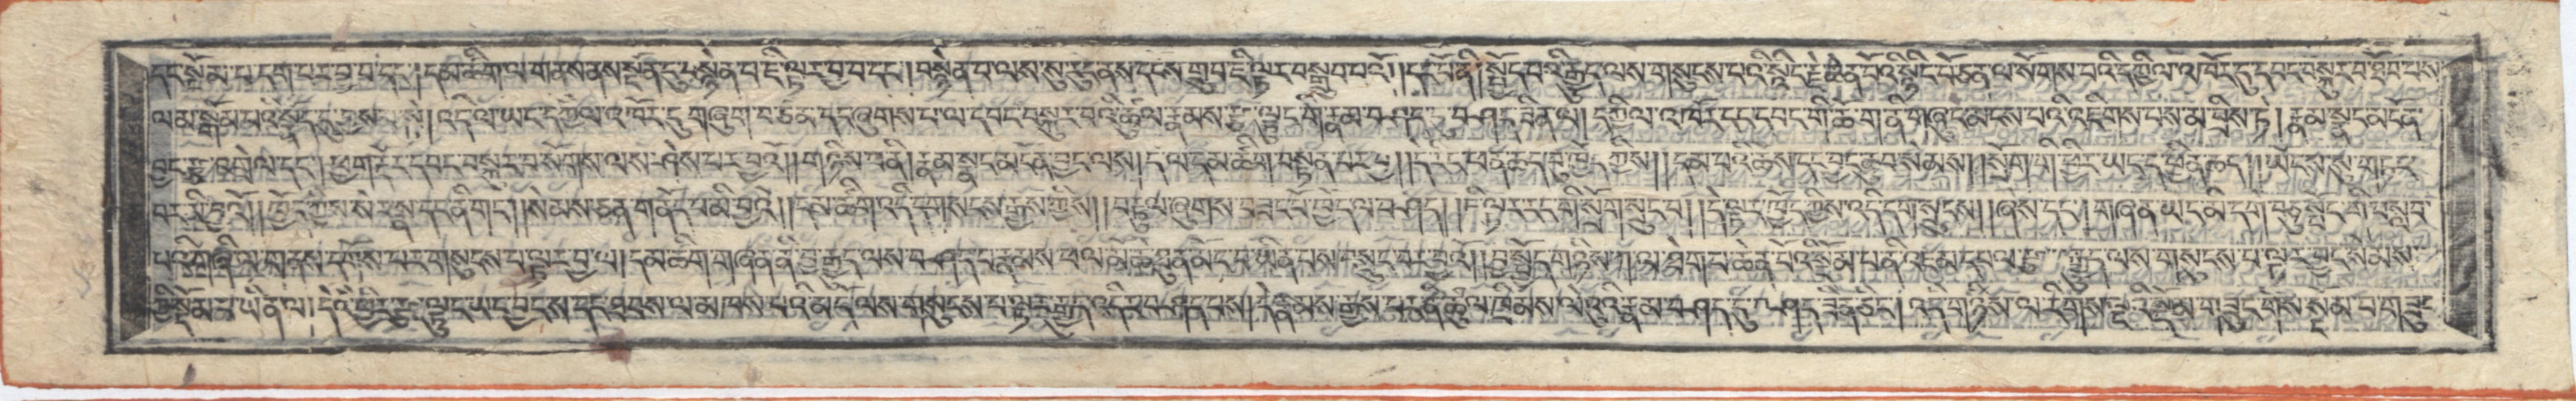དང་སྡོམ་པ་དག་པར་བྱ་བ་དང་། དམ་ཚིག་ལ་གནས་ནས་སྔོན་དུ་བསྙེན་པ་ཇི་ལྟར་བྱ་བ་དང་། བསྙེན་པ་ལས་སུ་རུང་ནས་དངོས་གྲུབ་ཇི་ལྟར་བསྒྲུབ་པའོ། །དང་པོ་ནི། སྤྱོད་པའི་རྒྱུད་ལས་གསུངས་པའི་སྙིང་རྗེ་ཆེན་པོའི་སྙིང་པོ་ཅན་ལ་སོགས་པའི་དཀྱིལ་འཁོར་དུ་དབང་བསྐུར་བ་ཐོབ་པས་
ལམ་སྒོམ་པའི་སྣོད་དུ་བྱས་པ་སྟེ། འདི་ལ་ཡང་དཀྱིལ་འཁོར་དུ་གཞུག་པ་ཙམ་དང་ཞུགས་པ་ལ་དབང་བསྐུར་བའི་ཚུལ་རྣམས་རྩ་ལྟུང་གི་རྣམ་བཤད་དུ་བཤད་ཟིན་ལ། དཀྱིལ་འཁོར་དང་དབང་གི་ཆོ་ག་ནི་གཞུང་མངས་པའི་འཇིགས་པས་མ་བྲིས་ཏེ། རྣམ་སྣང་མངོན་
བྱང་རྩ་འགྲེལ་དང་། ཕྱག་རྡོར་དབང་བསྐུར་བ་སོགས་ལས་ཤེས་པར་བྱའོ། །གཉིས་པ་ནི། རྣམ་སྣང་མངོན་བྱང་ལས། དེ་ལ་དམ་ཚིག་བསྟན་པར་བྱ། །དེ་རིང་ཕན་ཆད་བུ་ཁྱོད་ཀྱིས། །དམ་པའི་ཆོས་དང་བྱང་ཆུབ་སེམས། །སྲོག་གི་ཕྱིར་ཡང་ད་ཕྱིན་ཆད། །ཡོངས་སུ་གཏང་
བར་མི་བྱའོ། །ཁྱོད་ཀྱིས་སེར་སྣ་དང་ནི་གང་། །སེམས་ཅན་གནོད་པ་མི་བྱའོ། །དམ་ཚིག་འདི་དག་སངས་རྒྱས་ཀྱིས། །བརྟུལ་ཞུགས་བཟང་པོ་ཁྱོད་ལ་བཤད། །ཇི་ལྟར་རང་གི་སྲོག་སྲུང་བ། །དེ་ལྟར་ཁྱོད་ཀྱིས་འདི་དག་སྲུངས། །ཞེས་དང་། གཞན་ཡང་མི་དགེ་བཅུ་སྤོང་གི་བསླབ་
པའི་གཞི་ལ་གནས་དགོས་པར་གསུངས་པ་ལྟར་བྱ་ལ། དམ་ཚིག་གཞན་ནི་བྱ་རྒྱུད་ལས་བཤད་པ་རྣམས་ཕལ་མོ་ཆེ་ཐུན་མོང་བ་ཡིན་པས་བསྲུང་བར་བྱའོ། །བྱ་སྤྱོད་གཉིས་ཀ་ལ་ཐེག་པ་ཆེན་པོའི་སྡོམ་པ་ནི་འཇམ་དཔལ་རྩ་རྒྱུད་ལས་གསུངས་པ་ལྟར་བྱང་སེམས་
ཀྱི་སྡོམ་པ་ཡིན་ལ། དེའི་ཕྱིར་རྩ་ལྟུང་ཡང་བྱངས་དང་ཐབས་ལ་མཁས་པའི་མདོ་ལས་གསུངས་པ་ལྟར་རྒྱུད་འདིར་བཤད་པས། དེ་རྣམས་རྒྱས་པར་ནི་ཚུལ་ཁྲིམས་ལེའུའི་རྣམ་བཤད་དུ་བཤད་ཟིན་ཅིང་། འདི་གཉིས་ལ་རིགས་ལྔའི་སྡོམ་གཟུང་གིས་སྡོམ་པ་གཟུང་